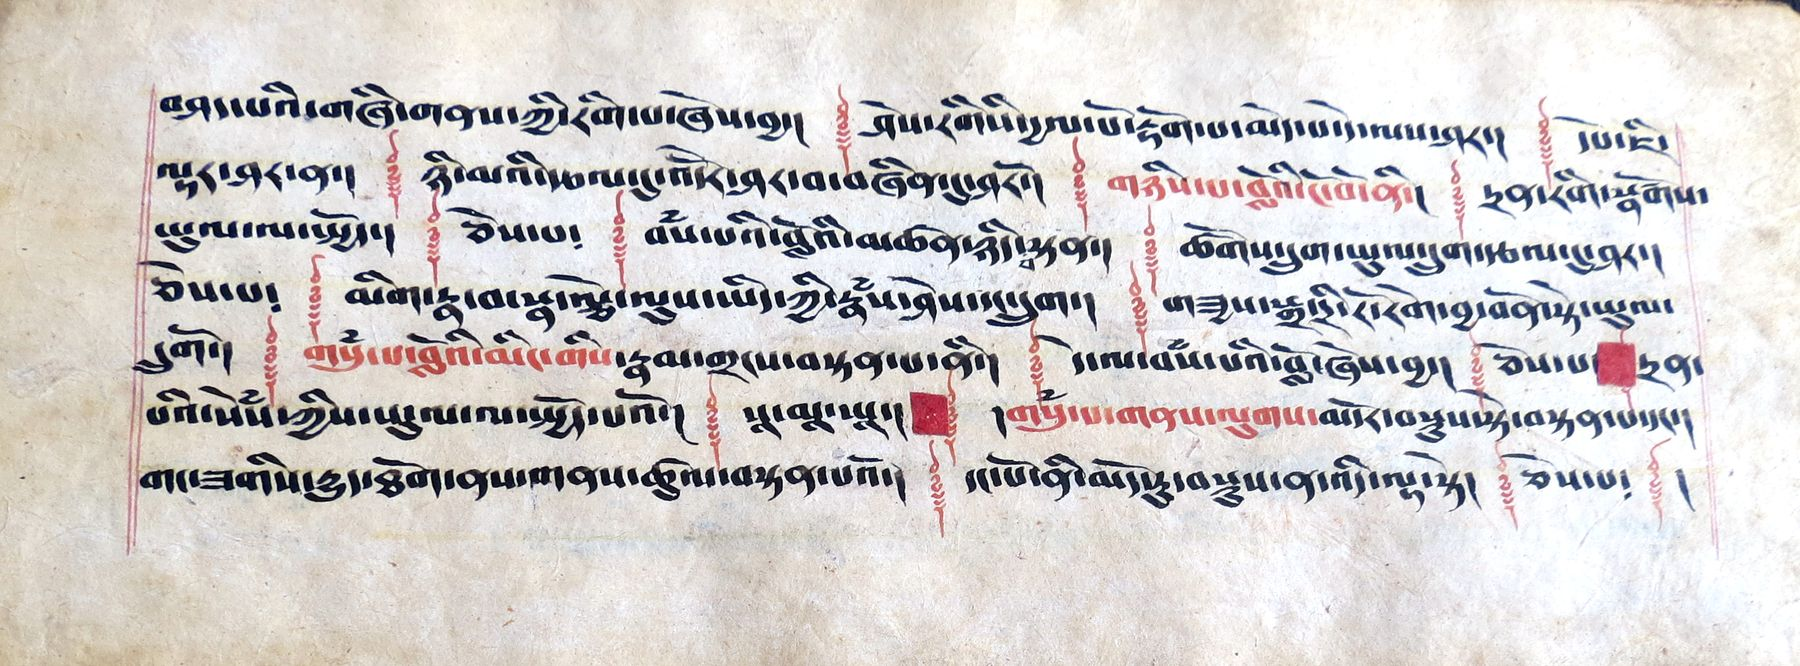བཤད་པའི་གཞི་གནས་ཀྱི་རིག་པ་ཞེས་བྱ་བ། ཤེས་རིག་གི་རྒྱལ་པོ་རྟོག་པ་མེད་པ་དེ་ལས་ཤར། དཔེ་ཇི་
ལྟར་ཤར་ན་ཉི་མའི་རྩལ་དུ་འོད་ཟེར་ཤར་བ་བཞིན་དུ་ཤར་རོ། །གཉིས་པ་བློའི་ངོ་བོ་ནི། དྲན་རིག་སྣ་ཚོགས་
ཡུལ་ལ་སྤྱོད་ཅེས་པས། བསམ་པའི་བློའི་མཚན་ཉིད་སྟོན། ཚོགས་དྲུག་ཡུལ་དྲུག་རྩལ་དུ་ཤར། །
ཅེས་པས་མིག་རྣ་བ་སྣ་ལྕེ་ལུས་ཡིད་ཀྱི་རྣམ་ཤེས་དང་དྲུག། གཟུགས་སྒྲ་དྲི་རོ་རེག་བྱ་བོན་ཏེ་ཡུལ་
དྲུག་གོ། གསུམ་པ་བློའི་མིང་གི་རྣམ་གྲངས་བསྟན་པ་ནི། དེ་ལ་བསམ་པའི་བློ་ཞེས་བྱ་ཞེས་པས། ང༽ དྲན་
པའི་སེམས་ཀྱིས་ཡུལ་ལ་སྤྱོད་པའོ། །སཱ་མཱ་ཡཱ།ཅ༽ གསུམ་པ་གནས་ལུགས་མདོར་བསྡུས་ཏེ་བསྟན་པ་དང་། 
གང་ཟག་གི་རྒྱུད་ཐོག་ན་གནས་ཚུལ་བསྟན་པའོ། །དང་པོ་ནི། མདོ་རུ་བསྡུས་ན་འདི་ལྟ་སྟེ། །ཞེས་པས།